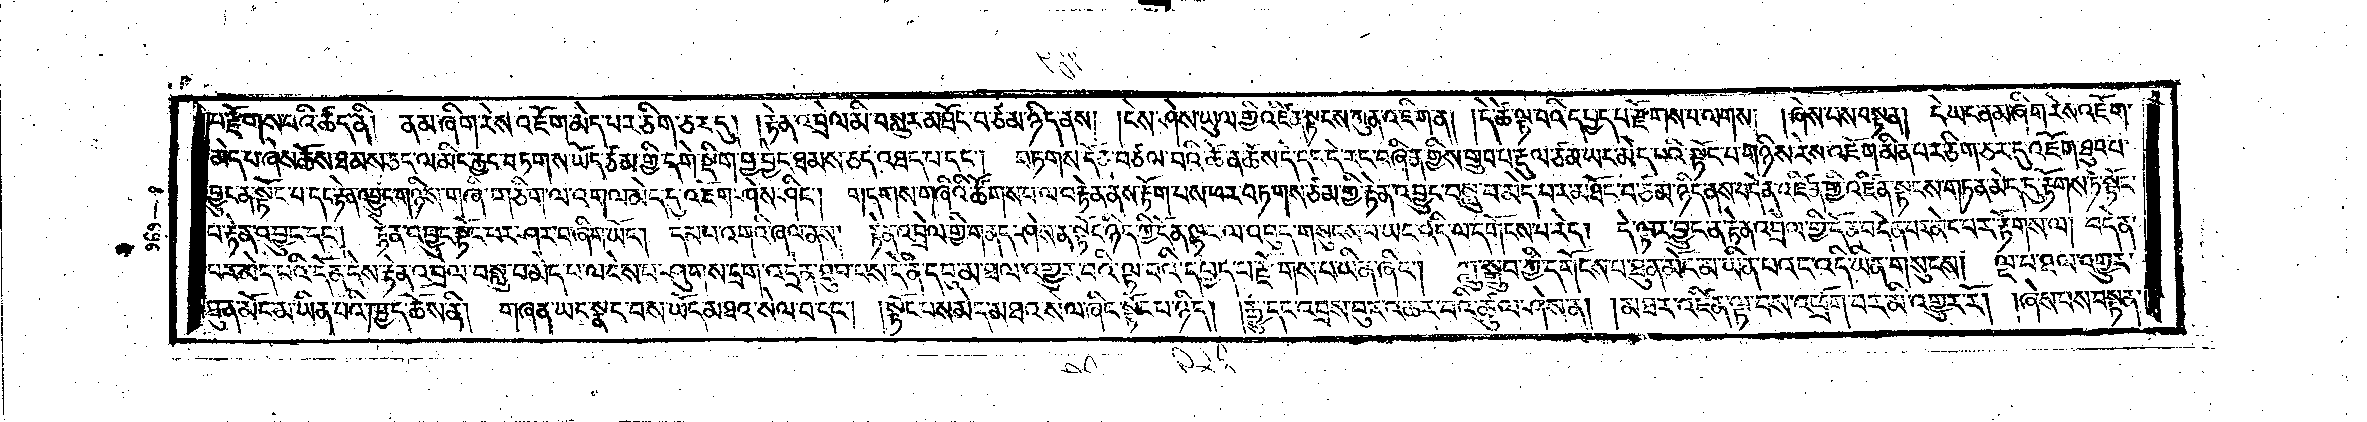པ་རྫོགས་པའི་ཚད་ནི། ནམ་ཞིག་རེས་འཇོག་མེད་པར་ཅིག་ཅར་དུ། །རྟེན་འབྲེལ་མི་བསླུར་མཐོང་བ་ཙམ་ཉིད་ནས། །ངེས་ཤེས་ཡུལ་གྱི་འཛིན་སྟངས་ཀུན་འཇིག་ན། །དེ་ཚེ་ལྟ་བའི་དཔྱད་པ་རྫོགས་པ་ལགས། །ཞེས་པས་བསྟན། དེ་ཡང་ནམ་ཞིག་རེས་འཇོག་
མེད་པ་ཞེས་ཆོས་ཐམས་ཅད་ལ་མིང་རྐྱང་བཏགས་ཡོད་ཙམ་གྱི་དགེ་སྡིག་བྱ་བྱེད་ཐམས་ཅད་འཐད་པ་དང་། བཏགས་དོན་བཙལ་བའི་ཚེ་ན་ཆོས་དེ་དང་དེ་རང་བཞིན་གྱིས་གྲུབ་པ་རྡུལ་ཙམ་ཡང་མེད་པའི་སྟོང་པ་གཉིས་རེས་འཇོག་མིན་པར་ཅིག་ཅར་དུ་འཇོག་ཐུབ་པ་
བྱུང་ན་སྟོང་པ་དང་རྟེན་འབྱུང་གཉིས་གཞི་གཅིག་ལ་འགལ་མེད་དུ་འཇོག་ཤེས་ཤིང་། གདགས་གཞིའི་ཚོགས་པ་ལ་བརྟེན་ནས་རྟོག་པས་ཕར་བཏགས་ཙམ་གྱི་རྟེན་འབྱུང་བསླུ་བ་མེད་པར་མཐོང་བ་ཙམ་ཉིད་ནས་བདེན་འཛིན་གྱི་འཛིན་སྟངས་གཏན་མེད་དུ་རྟོགས་ཏེ་སྟོང་
པ་རྟེན་འབྱུང་དང་། རྟེན་འབྱུང་སྟོང་པར་ཤར་བ་ཞིག་ཡོད། དམ་པ་འགའི་ཞལ་ནས། རྟེན་འབྲེལ་གྱི་གནད་ཤེས་ན་སྟོང་ཉིད་ཀྱི་དོན་ལྷང་ལ་འབུད་གསུངས་པ་ཡང་འདི་ལ་དགོངས་པ་རེད། དེ་ལྟར་བྱུང་ན་རྟེན་འབྲེལ་གྱི་དོན་བདེན་པར་མེད་པར་རྟོགས་ལ། བདེན་
པར་མེད་པའི་དོན་དེས་རྟེན་འབྲེལ་བསླུ་བ་མེད་པ་ལ་ངེས་པ་ཤུགས་དྲག་འདྲེན་ཐུབ་པས་དེ་ནི་དབུ་མ་ཐལ་འགྱུར་བའི་ལྟ་བའི་དཔྱད་པ་རྫོགས་པ་ཡིན་ཞིང་། ཀླུ་སྒྲུབ་ཀྱི་དགོངས་པ་ཐུན་མོང་མ་ཡིན་པའང་འདི་ཡིན་གསུངས། ལྔ་པ་ཐལ་འགྱུར་
ཐུན་མོང་མ་ཡིན་པའི་ཁྱད་ཆོས་ནི། གཞན་ཡང་སྣང་བས་ཡོད་མཐའ་སེལ་བ་དང་། །སྟོང་པས་མེད་མཐའ་སེལ་ཞིང་སྟོང་པ་ཉིད། །རྒྱུ་དང་འབྲས་བུར་འཆར་བའི་ཚུལ་ཤེས་ན། །མཐར་འཛིན་ལྟ་བས་འཕྲོག་པར་མི་འགྱུར་རོ། །ཞེས་པས་བསྟན་